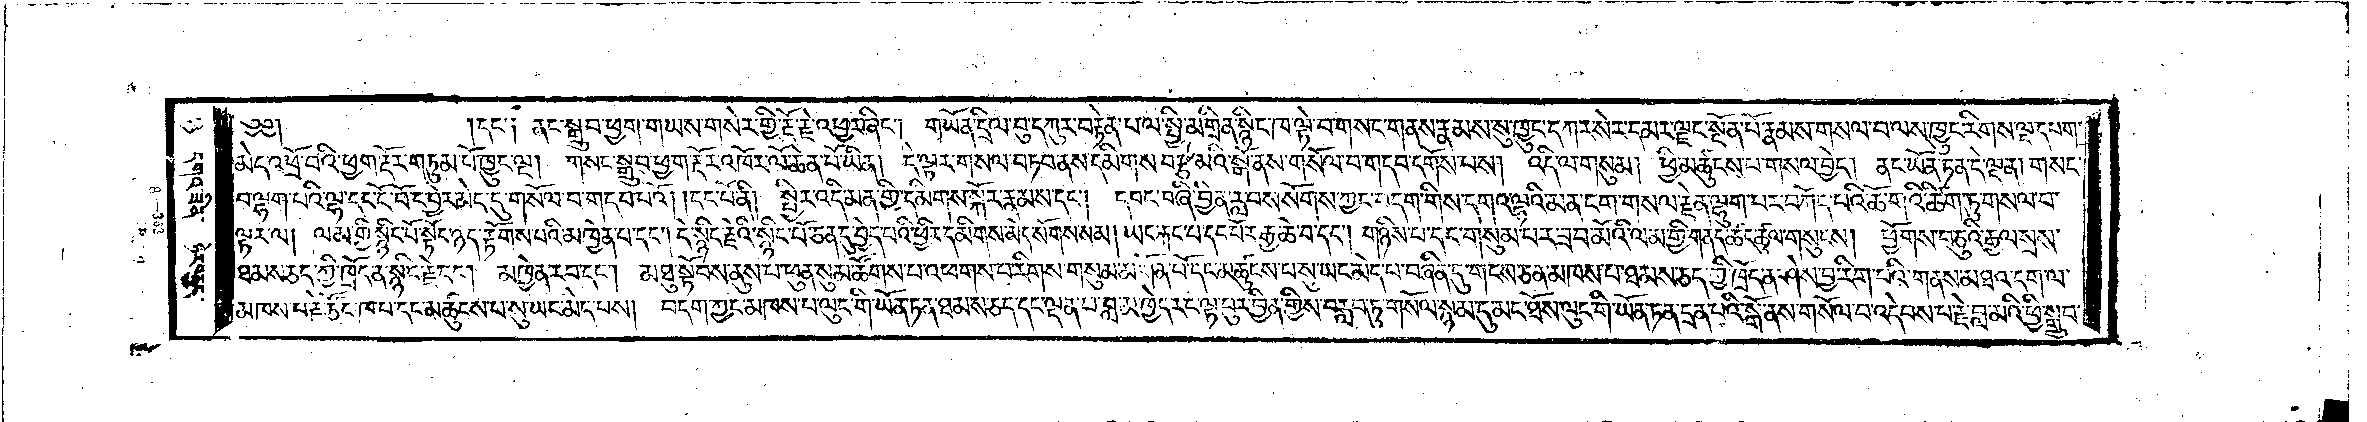༄༅། །དང༑ ནང་སྒྲུབ་ཕྱག་གཡས་གསེར་གྱི་རྡོ་རྗེ་འཕྱར་ཞིང་། གཡོན་དྲིལ་བུ་དཀུར་བརྟེན་པ་ལ་སྤྱི་མགྲིན་སྙིང་ཁ་ལྟེ་བ་གསང་གནས་རྣམས་སུ་ཁྱུང་དཀར ༡་སེར ༢་དམར ༣་ལྗང ༤་སྔོན ༥་པོ་རྣམས་གསལ་བ་ལས་ཁྱུང་རིགས་ལྔ་དཔག་
མེད་འཕྲོ་པའི་ཕྱག་རྡོར་གཏུམ་པོ་ཁྱུང་ལྔ། གསང་སྒྲུབ་ཕྱག་རྡོར་འཁོར་ལོ་ཆེན་པོ་ཡིན། དེ་ལྟར་གསལ་བཏབ་ནས་དམིགས་བརྩེ་མའི་སྒོ་ནས་གསོལ་བ་གདབ་དགོས་པས། འདི་ལ་གསུམ། ཕྱི་མཚུངས་པ་གསལ་བྱེད། ནང་ཡོན་ཏན་དེ་ལྡན། གསང་
བ་ལྷག་པའི་ལྷ་དང་ངོ་བོ་དབྱེར་མེད་དུ་གསོལ་བ་གདབ་པའོ། །དང་པོ་ནི། སྤྱིར་འདི་མན་གྱི་དམིགས་སྐོར་རྣམས་དང་། དབང་བཞི་བྱིན་རླབས་སོགས་ཀྱང་བདག་གིས་དགའ་ལྷའི་མན་ངག་གསལ་རྗེན་ལྷུག་པར་བཀོད་པའི་ཆོ་གའི་ཚིག་ཏུ་གསལ་བ་
ལྟར་ལ། དམིགས་མེད་ཅེས་པ་སྙིང་རྗེ་རྣམ་པ་གསུམ་ལས། དམིགས་པ་མེད་པའི་སྙིང་རྗེ་ཉན་རང་རྣམས་ཀྱིས་ཆོས་ཉིད་ཇི་ལྟ་བ་རྟོགས་པས་དེ་ལྟར་མ་རྟོགས་པའི་སེམས་ཅན་ལ་སྙིང་བརྩེ་བའི་དམིགས་མེད་ལ་བྱེད་གསུངས། ཕྱོགས་བཅུའི་རྒྱལ་སྲས་
ཐམས་ཅད་ཀྱི་ཁྲོད་ན་སྙིང་རྗེ་དང་། མཁྱེན་རབ་དང་། མཐུ་སྟོབས་ནུས་པ་ཕུན་སུམ་ཚོགས་པ་འཕགས་པ་རིགས་གསུམ་མགོན་པོ་དང་མཚུངས་བ་སུ་ཡང་མེད་པ་བཞིན་དུ་གངས་ཅན་མཁས་པ་ཐམས་ཅད་ཀྱི་ཁྲོད་ན་ཤེས་བྱ་རིག་པའི་གནས་མཐའ་དག་ལ་
མཁས་པ་རྗེ་ཙོང་ཁ་པ་དང་མཚུངས་པ་སུ་ཡང་མེད་པས། བདག་ཀྱང་མཁས་པ་ལུང་གི་ཡོན་ཏན་ཐམས་ཅད་དང་ལྡན་པ་བླ་མ་ཁྱེད་རང་ལྟ་བུར་བྱིན་གྱིས་བརླབ་ཏུ་གསོལ་སྙམ་དུ་མང་ཐོས་ལུང་གི་ཡོན་ཏན་དྲན་པའི་སྒོ་ནས་གསོལ་བ་འདེབས་པ་རྗེ་བླ་མའི་ཕྱི་སྒྲུབ་